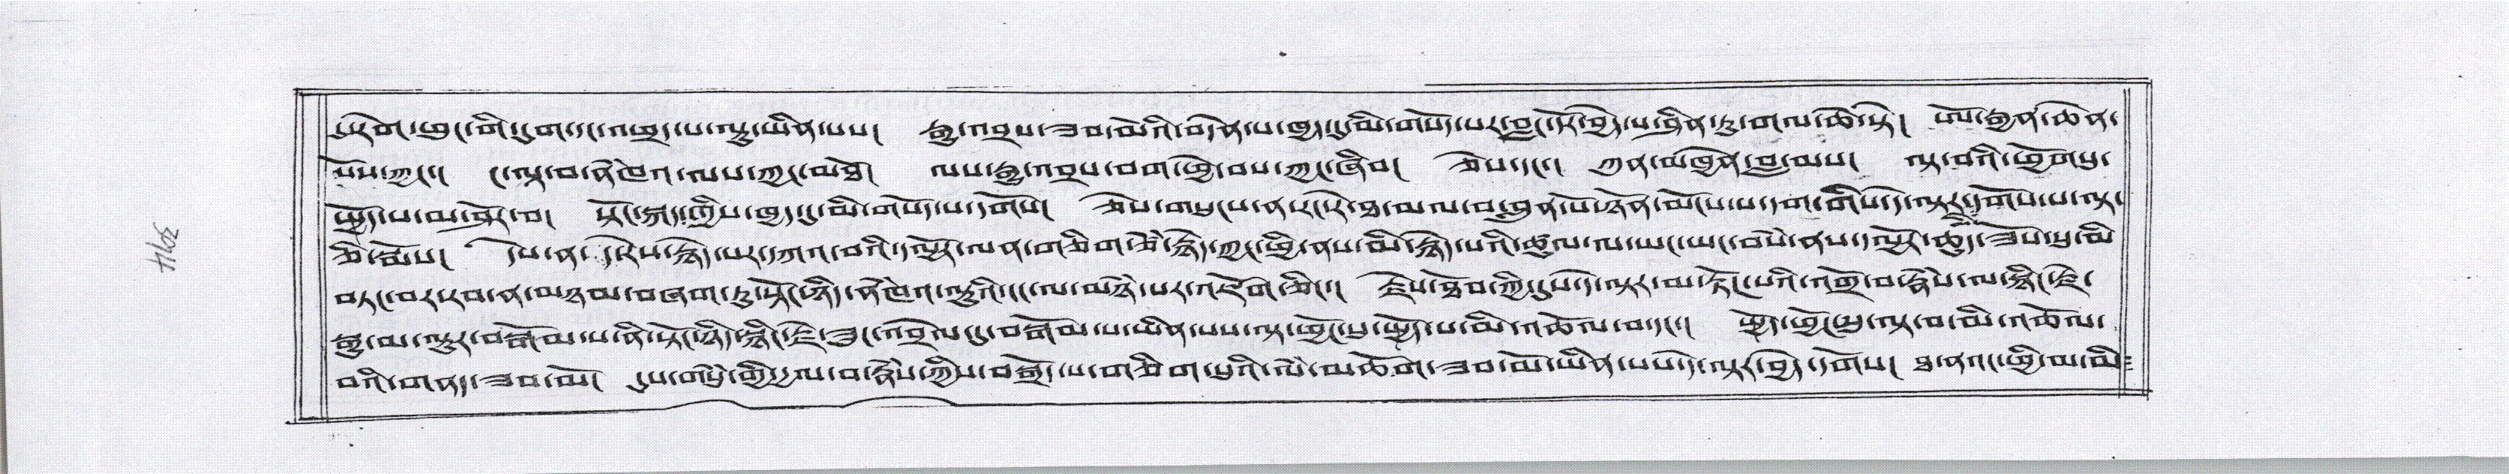དུ་རེག་ཕུང་གི་དུག་དང་འཕྲད་པ་ལྟ་བུ་ཡིན་པས། རྒྱུ་འབྲས་ཟབ་མོའི་བདེན་པ་ཁྱད་དུ་མི་གསོད་པར་བླང་དོར་བྱེད་པ་ཤིན་ཏུ་གལ་ཆེ་སྟེ། ཨོ་རྒྱན་ཆེན་
པོས་ཀྱང་། ང་ལྟ་བ་ནམ་མཁའ་ལས་ཀྱང་མཐོ། ལས་རྒྱུ་འབྲས་བག་ཕྱེ་བས་ཀྱང་ཞིབ། ཅེས་དང་། ཀུན་མཁྱེན་བླ་མས། ལྟ་བའི་ཕྱོགས་སུ་
སྤྱོད་པ་མ་ཤོར་བ། སྟོང་སྐད་ཀྱིས་ཁྱད་དུ་མི་གསོད་པ་དགོས། ཞེས་གསུངས་ན་རང་རེ་ཐ་མལ་བ་བླུན་པོ་ཉོན་མོངས་པ་༼ཅན༽དག་གིས་དེ་ལྟར་དགོས་པ་ལྟ་
ཅི་སྨོས། དེས་ན་ད་རེས་རྙེད་པར་དཀའ་བའི་དལ་འབྱོར་ལན་གཅིག་ཙམ་རྙེད་ཀྱང་ཕྱི་ནས་མི་རྙེད་པའི་ཚུལ་ལ་ལེགས་པར་བསམ་ནས་དལ་འབྱོར་ཆུད་ཟོས་སུ་མི་
གཏོང་བར་རབ་ན་མཉམ་གཞག་ཏུ་སྟོང་ཉིད་ནམ་མཁའ་ལྟ་བུའི་ངང་ལ་མཉམ་པར་འཇོག་ཅིང་། རྗེས་ཐོབ་ཀྱི་དུས་དེ་ལྟར་མ་རྟོགས་པའི་འགྲོ་བ་རྣམས་ལ་སྙིང་རྗེ་
སྒྱུ་མ་ལྟ་བུ་བསྒོམ་པ་ནི་སྟོང་ཉིད་སྙིང་རྗེ་ཟུང་འབྲེལ་དུ་བསྒོམ་པ་ཡིན་པས་ལྟ་ཕྱོགས་སུ་སྤྱོད་པ་མི་འཆོལ་བ་དང་། སྤྱོད་ཕྱོགས་སུ་ལྟ་བ་མི་འཆོལ་
བའི་གནད་ཟབ་མོ། དུས་གསུམ་གྱི་རྒྱལ་བ་རྣམས་ཀྱི་བགྲོད་པ་གཅིག་པའི་ལམ་མཆོག་ཟབ་མོ་ཡིན་པས་དེ་ལྟར་བྱེད་དགོས། ཐ་ན་འང་ཕྱི་མ་མི་